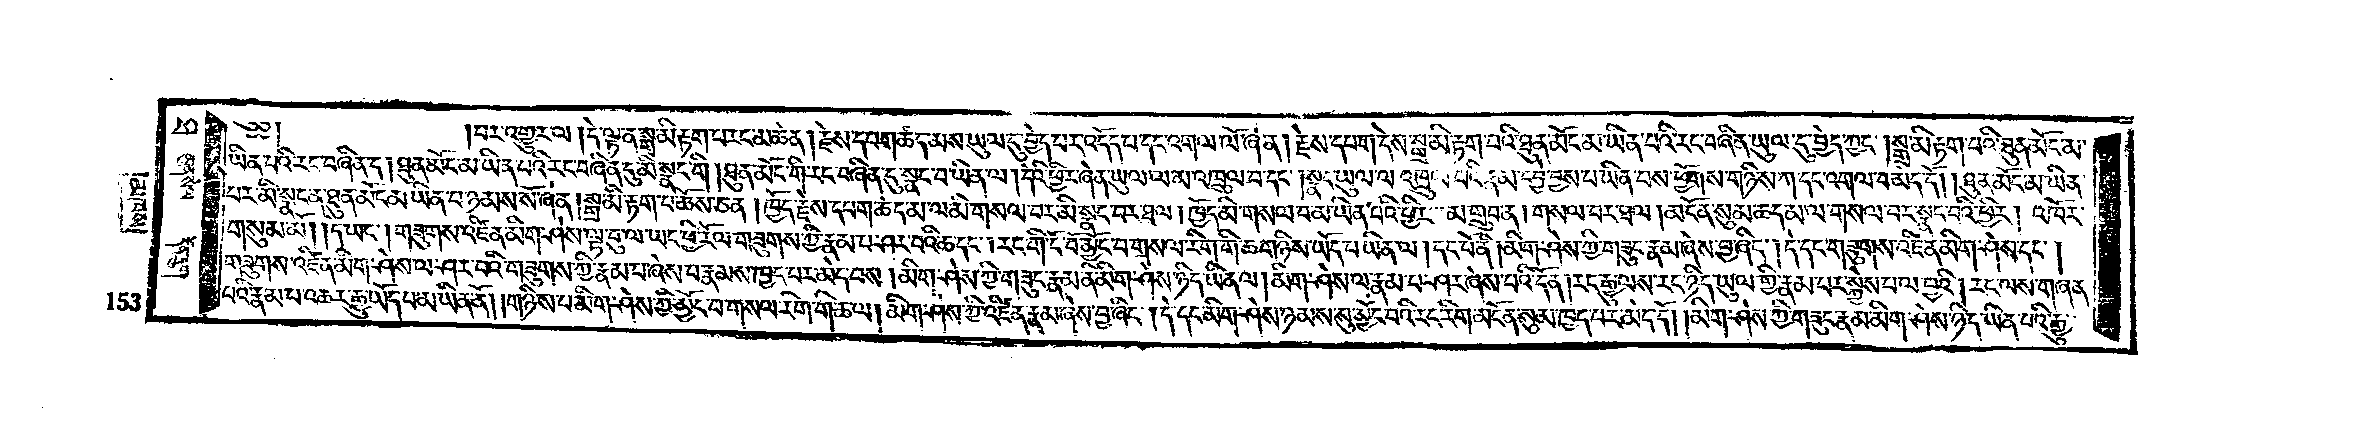༄༅། །བར་འགྱུར་ལ། དེ་ལྟ་ན་སྒྲ་མི་རྟག་པ་རང་མཚན། རྗེས་དཔག་ཚད་མས་ཡུལ་དུ་བྱེད་པར་འདོད་པ་དང་འགལ་ལོ་ཞེ་ན། རྗེས་དཔག་དེས་སྒྲ་མི་རྟག་པའི་ཐུན་མོང་མ་ཡིན་པའི་རང་བཞིན་ཡུལ་དུ་བྱེད་ཀྱང་། སྒྲ་མི་རྟག་པའི་ཐུན་མོང་མ་
ཡིན་པའི་རང་བཞིན་དེ། ?་ཐུན་མོང་མ་ཡིན་པའི་རང་བཞིན་དུ་མི་སྣང་གི །ཐུན་མོང་གི་རང་བཞིན་དུ་སྣང་བ་ཡིན་ལ། དེའི་ཕྱིར་ཞེན་ཡུལ་ལ་མ་འཁྲུལ་བ་དང་། སྣང་ཡུལ་ལ་འཁྲུལ་པའི་རྣམ་དབྱེ་བྱས་པ་ཡིན་པས་ཕྱོགས་གཉིས་ཀ་དང་འགལ་བ་མེད་དོ། །ཐུན་མོང་མ་ཡིན་
པར་མི་སྣང་ན་ཐུན་མོང་མ་ཡིན་པ་ཉམས་སོ་ཞེ་ན། སྒྲ་མི་རྟག་པ་ཆོས་ཅན། ཁྱོད་རྗེས་དཔག་ཚད་མ་ལ་མི་གསལ་བར་མི་སྣང་བར་ཐལ། ཁྱོད་མི་གསལ་བ་མ་ཡིན་པའི་ཕྱིར་མ་གྲུབ་ན། གསལ་བར་ཐལ། མངོན་སུམ་ཚད་མ་ལ་གསལ་བར་སྣང་བའི་ཕྱིར། འཁོར་
གསུམ་མོ། །དེ་ཡང་། གཟུགས་འཛིན་མིག་ཤེས་ལྟ་བུ་ལ་ཡང་ཕྱི་རོལ་གཟུགས་ཀྱི་རྣམ་པ་ཤར་བའི་ཆ་དང་། རང་གི་ངོ་བོ་མྱོང་བ་གསལ་རིག་གི་ཆ་གཉིས་ཡོད་པ་ཡིན་ལ། དང་པོ་ནི། མིག་ཤེས་ཀྱི་གཟུང་རྣམ་ཞེས་བྱ་ཞིང་། དེ་དང་གཟུགས་འཛིན་མིག་ཤེས་དང་།
གཟུགས་འཛིན་མིག་ཤེས་ལ་ཤར་བའི་གཟུགས་ཀྱི་རྣམ་པ་ཞེས་པ་རྣམས་ཁྱད་པར་མེད་པས། མིག་ཤེས་ཀྱི་གཟུང་རྣམ་ནི་མིག་ཤེས་ཉིད་ཡིན་ལ། མིག་ཤེས་ལ་རྣམ་པ་ཤར་ཞེས་པའི་དོན། རང་རྒྱུ་ལས་རང་ཉིད་ཡུལ་གྱི་རྣམ་པར་སྐྱེས་པ་ལ་བྱའི། རང་ལས་གཞན་
པའི་རྣམ་པ་འཆར་རྒྱུ་ཡོད་པ་མ་ཡིན་ནོ། །གཉིས་པ་མིག་ཤེས་ཀྱི་མྱོང་བ་གསལ་རིག་གི་ཆ་ལ། མིག་ཤེས་ཀྱི་འཛིན་རྣམ་ཞེས་བྱ་ཞིང་། དེ་དང་མིག་ཤེས་ཉམས་སུ་མྱོང་བའི་རང་རིག་མངོན་སུམ་ཁྱད་པར་མེད་དོ། །མིག་ཤེས་ཀྱི་གཟུང་རྣམ་མིག་ཤེས་ཉིད་ཡིན་པའི་རྒྱུ་